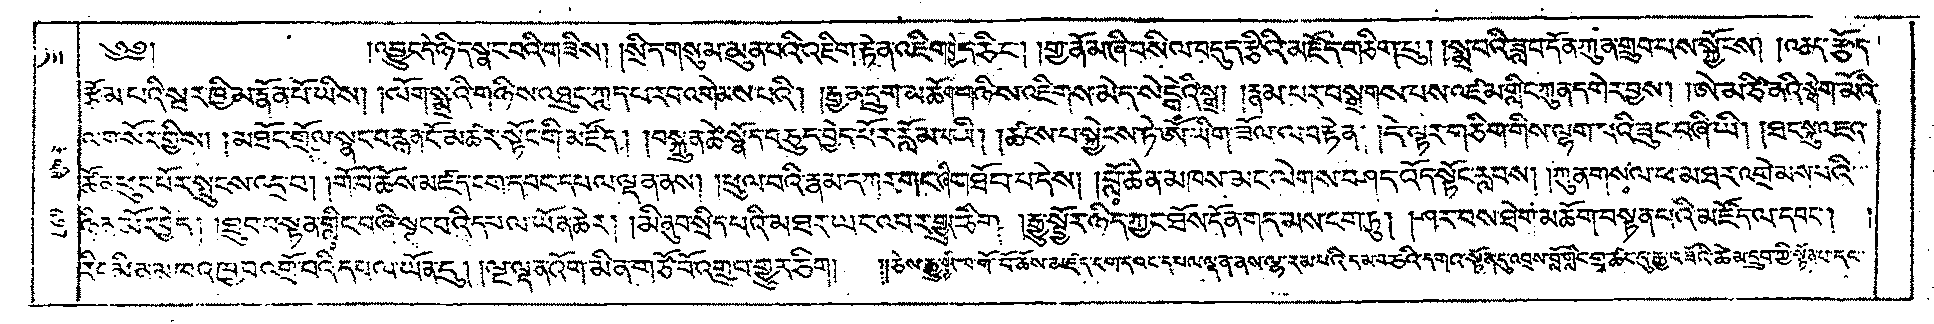༄༅། །འབྱུང་དེ་ཉིད་སྣང་བའི་གཟིས། །སྲིད་གསུམ་མུན་པའི་འཇིག་རྟེན་འཇིག་བྱེད་ཅིང་། །གྱ་ནོམ་ཞི་བསིལ་བདུད་རྩིའི་མཛོད་གཅིག་པུ། །སྨྲ་བའི་ཟླ་བ་དོན་ཀུན་གྲུབ་པས་སྐྱོངས། །འཆད་རྩོད་
རྩོམ་པའི་སྦར་ཁྱིམ་རྣོན་པོ་ཡིས། །ལོག་སྨྲའི་གཉིས་འཐུང་ཀླད་པ་རབ་འགེམས་པའི། །རྒྱན་དྲུག་མཆོག་གཉིས་འཇིགས་མེད་སེངྒེའི་སྒྲ། །རྣམ་པར་བསྒྲགས་པས་འཛམ་གླིང་ཀུན་དགེར་བྱས། །ཨེ་མ་ཙི་ནའི་སྒེག་མོའི་
ལག་སོར་གྱིས། །མཐོང་གྲོལ་སྣང་བརྙན་ངོ་མཚར་སྟོང་གི་མཛོད། །བསྐྲུན་ཚེ་སྣོད་བཅུད་བྱེད་པོར་རློམ་པ་ཡི། །ཚངས་པ་སྐྱེངས་ཏེ་ཨོཾ་ཡིག་ཟོལ་ལ་བརྟེན། །དེ་ལྟར་གཅིག་གིས་ལྷག་པའི་ཟུང་བཞི་ཡི། །ཐང་སྐུ་འཇའ་
ཚོན་ཕུང་པོར་སྤུངས་འདྲ་བ། །གོ་བོ་ཆོས་མཛད་ངག་དབང་དཔལ་ལྡན་ནས། །ཕུལ་བའི་རྣམ་དཀར་གང་ཞིག་ཐོབ་པ་དེས། །བློ྾་ཆེན་མཁས་མང་ལེགས་བཤད་འོད་སྟོང་རླབས། །ཀུན་གསལ྾་ཕ་མཐར་འགྲེམས་པའི་
ཉིན་མོར་བྱེད། །ཐུབ་བསྟན་གླིང྾་བཞི་སྣང་བའི་དཔལ་ཡོན་ཆེར། །མི་ནུབ་སྲིད་པའི་མཐར་ཡང་འབར་གྱུར་ཅིག །རྒྱུ་སྦྱོར་ཉིད་ཀྱང་ཐོས་དོན་གདམས་ངག་ཏུ། །ཤར་བས་ཐེག་མཆོག་བསྟན་པའི་མཛོད་ལ་དབང་། །
རིང་མིན་མཁའ་ཁྱབ་འགྲོ་བའི་དཔལ་ཡོན་དུ། །ལྔ་ལྡན་འོག་མིན་གཙོ་བོ་འགྲུབ་གྱུར་ཅིག ། །།ཅེས་རྒྱུ་སྦྱོར་བ་གོ་བོ་ཆོས་མཛད་ངག་དབང་དཔལ་ལྡན་ནས་ལྷ་རམ་པའི་དམ་བཅའི་དགའ་སྟོན་དུ་འབྲས་བློ་གླིང་གྲྭ་ཚང་དུ་རྒྱ་བཟོའི་ཚེམ་དྲུབ་ཀྱི་སྟོན་པ་དང་